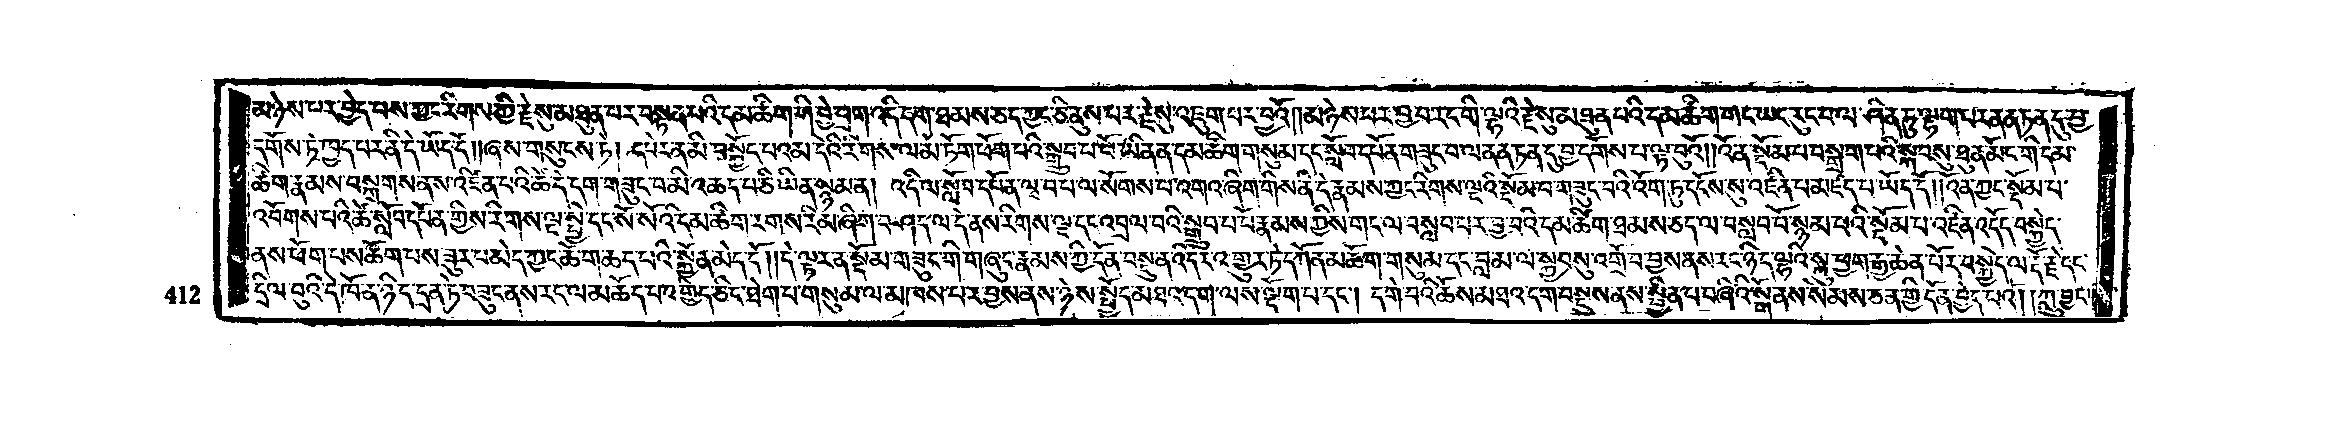མཉེས་པར་བྱེད་པས་ཀྱང་རིགས་ཀྱི་རྗེས་སུ་མཐུན་པར་བསྟན་པའི་དམ་ཚིག་གི་བྱེ་བྲག་འདི་དག་ཐམས་ཅད་ཀྱང་ཅི་ནུས་པར་རྗེས་སུ་འཇུག་པར་བྱའོ། །མཉེས་པར་བྱ་བ་རང་གི་ལྷའི་རྗེས་སུ་མཐུན་པའི་དམ་ཚིག་གང་ཡང་རུང་བ་ལ་ཤིན་ཏུ་ལྷག་པར་ནན་ཏན་དུ་བྱ་
དགོས་ཏེ་ཁྱད་པར་ནི་དེ་ཡོད་དོ། །ཞེས་གསུངས་ཏེ། དཔེར་ན་མི་བསྐྱོད་པའམ་དེའི་རིགས་ལ་མེ་ཏོག་ཕོག་པའི་སྒྲུབ་པ་པོ་ཡིན་ན་དམ་ཚིག་གསུམ་དང་སློབ་དཔོན་གཟུང་བ་ལ་ནན་ཏན་དུ་བྱ་དགོས་པ་ལྟ་བུའོ། །འོ་ན་སྡོམ་པ་བསྒྲག་པའི་སྐབས་སུ་ཐུན་མོང་གི་དམ་
ཚིག་རྣམས་བསྐྲགས་ནས་འཛིན་པའི་ཚེ་དེ་དག་གཟུང་བ་མི་འཆད་པ་ཅི་ཡིན་སྙམ་ན། འདི་ལ་སློབ་དཔོན་ལྭ་བ་པ་ལ་སོགས་པ་འགའ་ཞིག་གིས་ནི་དེ་རྣམས་ཀྱང་རིགས་ལྔའི་སྡོམ་པ་གཟུང་བའི་འོག་ཏུ་དངོས་སུ་འཛིན་པ་མཛད་པ་ཡོད་དོ། །འོན་ཀྱང་སྡོམ་པ་
འབོགས་པའི་ཚེ་སློབ་དཔོན་གྱིས་རིགས་ལྔ་སྤྱི་དང་སོ་སོའི་དམ་ཚིག་རགས་རིམ་ཞིག་བཤད་ལ་དེ་ནས་རིགས་ལྔ་དང་འབྲལ་བའི་སྒྲུབ་པ་པོ་རྣམས་ཀྱིས་གང་ལ་བསླབ་པར་བྱ་བའི་དམ་ཚིག་ཐམས་ཅད་ལ་བསླབ་བོ་སྙམ་པའི་སྡོམ་པ་འཛིན་འདོད་བསྐྱེད་
ནས་ཕོག་པས་ཆོག་པས་ཟུར་པ་མེད་ཀྱང་ཆོག་ཆད་པའི་སྐྱོན་མེད་དོ། །དེ་ལྟར་ན་སྡོམ་གཟུང་གི་གཞུང་རྣམས་ཀྱི་དོན་བསྡུ་ན་འདིར་འགྱུར་ཏེ་དཀོན་མཆོག་གསུམ་དང་བླ་མ་ལ་སྐྱབས་སུ་འགྲོ་བ་བྱས་ནས་རང་ཉིད་ལྷའི་སྐུ་ཕྱག་རྒྱ་ཆེན་པོར་བསྐྱེད་ལ་རྡོ་རྗེ་དང་
དྲིལ་བུའི་དེ་ཁོ་ན་ཉིད་དྲན་ཏེ་བཟུང་ནས་རང་ལ་མཆོད་པ་འགྱིད་ཅིང་ཐེག་པ་གསུམ་ལ་མཁས་པར་བྱས་ནས་ཉེས་སྤྱོད་མཐའ་དག་ལས་ལྡོག་པ་དང་། དགེ་བའི་ཆོས་མཐའ་དག་བསྡུས་ནས་སྦྱིན་པ་བཞིའི་སྒོ་ནས་སེམས་ཅན་གྱི་དོན་བྱེད་པའོ། །ཀླུ་བྱང་